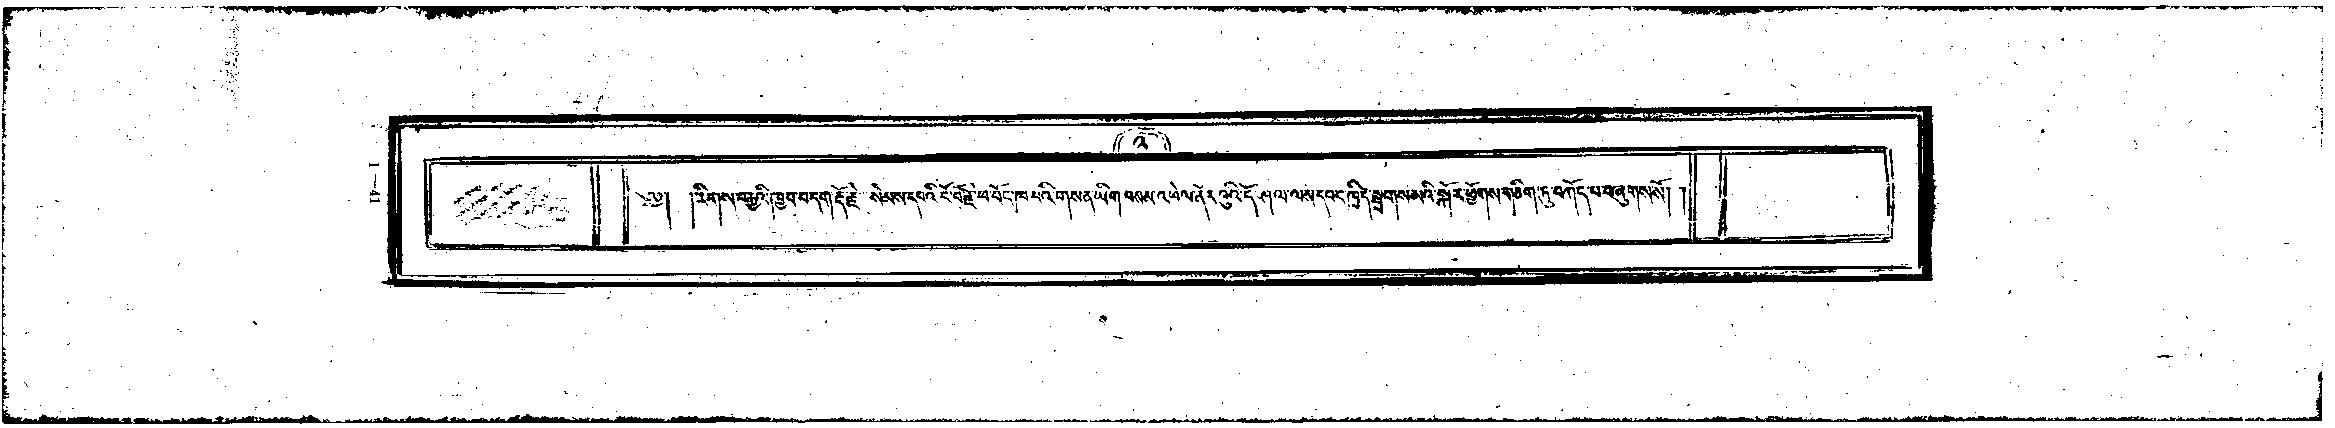༄༅། །རིགས་བརྒྱའི་ཁྱབ་བདག་རྡོ་རྗེ་སེམས་དཔའི་ངོ་བོ་རྗེ་ཕ་བོང་ཁ་པའི་གསན་ཡིག་བསམ་འཕེལ་ནོར་བུའི་དོ་ཤལ་ལས་དབང་ཁྲིད་སྦྲགས་མའི་སྐོར་ཕྱོགས་གཅིག་ཏུ་བཀོད་བ་བཟུགས་སོ། །